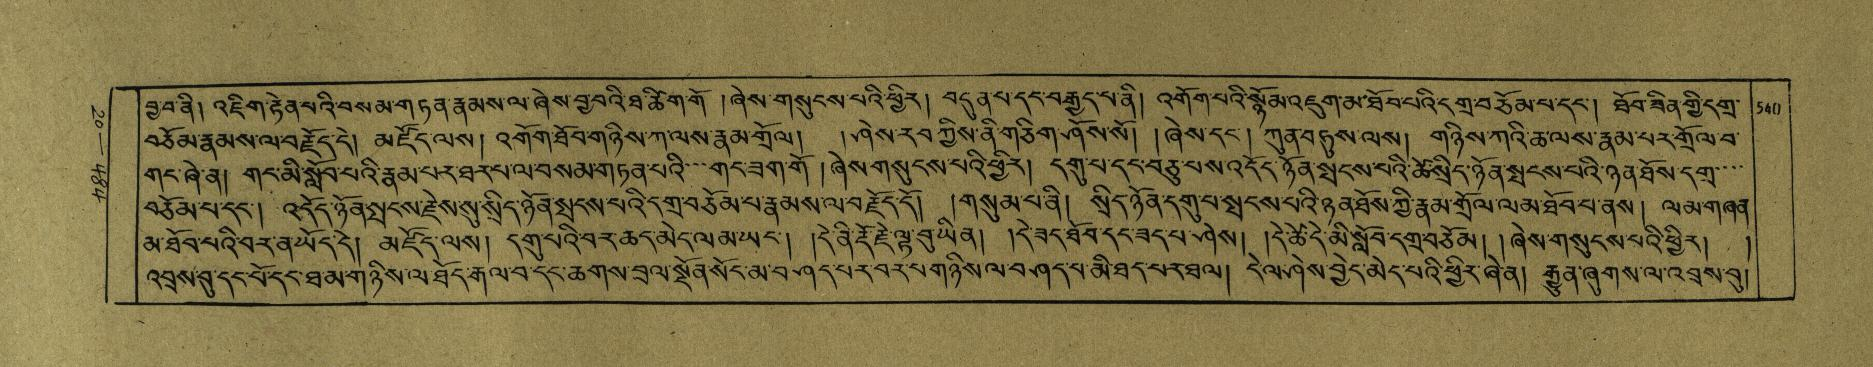བྱ་བ་ནི། འཇིག་རྟེན་པའི་བསམ་གཏན་རྣམས་ལ་ཞེས་བྱ་བའི་ཐ་ཚིག་གོ །ཞེས་གསུངས་པའི་ཕྱིར། བདུན་པ་དང་བརྒྱད་པ་ནི། འགོག་པའི་སྙོམ་འཇུག་མ་ཐོབ་པའི་དགྲ་བཅོམ་པ་དང་། ཐོབ་ཟིན་གྱི་དགྲ་
བཅོམ་རྣམས་ལ་བརྗོད་དེ། མཛོད་ལས། འགོག་ཐོབ་གཉིས་ཀ་ལས་རྣམ་གྲོལ། །ཤེས་རབ་ཀྱིས་ནི་གཅིག་ཤོས་སོ། །ཞེས་དང་། ཀུན་བཏུས་ལས། གཉིས་ཀའི་ཆ་ལས་རྣམ་པར་གྲོལ་བ་
གང་ཞེ་ན། གང་མི་སློབ་པའི་རྣམ་པར་ཐར་པ་ལ་བསམ་གཏན་པའི་གང་ཟག་གོ །ཞེས་གསུངས་པའི་ཕྱིར། དགུ་པ་དང་བཅུ་པས་འདོད་ཉོན་སྤངས་པའི་ཚེ་སྲིད་ཉོན་སྤངས་པའི་ཉན་ཐོས་དགྲ་
བཅོམ་པ་དང་། འདོད་ཉོན་སྤངས་རྗེས་སུ་སྲིད་ཉོན་སྤངས་པའི་དགྲ་བཅོམ་པ་རྣམས་ལ་བརྗོད་དོ། །གསུམ་པ་ནི། སྲིད་ཉོན་དགུ་པ་སྤངས་པའི་ཉན་ཐོས་ཀྱི་རྣམ་གྲོལ་ལམ་ཐོབ་པ་ནས། ལམ་གཞན་
མ་ཐོབ་པའི་བར་ན་ཡོད་དེ། མཛོད་ལས། དགུ་པའི་བར་ཆད་མེད་ལམ་ཡང་། །དེ་ནི་རྡོ་རྗེ་ལྟ་བུ་ཡིན། །དེ་ཟད་ཐོབ་དང་ཟད་པ་ཤེས། །དེ་ཚེ་དེ་མི་སློབ་དགྲ་བཅོམ། །ཞེས་གསུངས་པའི་ཕྱིར། །
འབྲས་བུ་དང་པོ་དང་ཐ་མ་གཉིས་ལ་ཐོད་རྒལ་བ་དང་ཆགས་བྲལ་སྔོན་སོང་མ་བཤད་པར་བར་པ་གཉིས་ལ་བཤད་པ་མི་ཐད་པར་ཐལ། དེ་ལ་ཤེས་བྱེད་མེད་པའི་ཕྱིར་ཞེ་ན། རྒྱུན་ཞུགས་ལ་འབྲས་བུ།